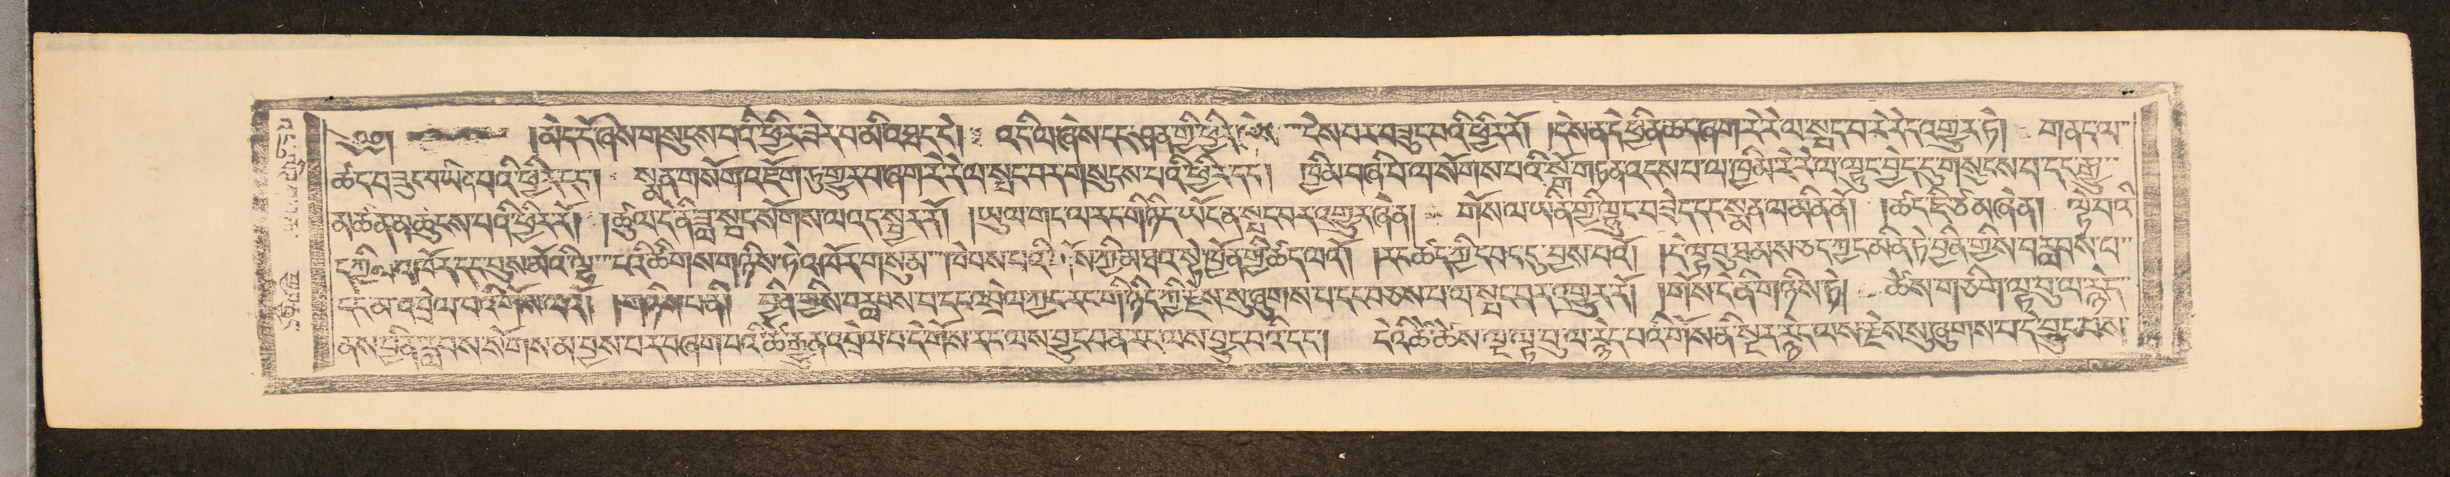༄༅། །མེད་དོ་ཞེས་གསུངས་པའི་ཕྱིར་ཟེར་བ་མི་འཐད་དེ། འདི་ལ་ཞེས་དང་ཤན་གྱི་ཕྱིར་ཞེས་ངེས་པར་བཟུང་བའི་ཕྱིར་རོ། །དེས་ན་དེ་ཕྱིན་ཆད་ཞག་རེ་རེ་ལ་སྤང་བ་རེ་རེང་འགྱུར་ཏེ། གནང་ལ་
ཚད་བཟུང་ཡིན་པའི་ཕྱིར་དང་། སྨན་གསོག་འཇོག་ཏུ་གྱུར་པ་ཞག་རེ་རེ་ལ་སྤང་བར་གསུངས་པའི་ཕྱིར་དང་། ཁྱིམ་བཞི་པ་ལ་སོགས་པའི་སྒོ་གཏན་འདས་པ་ལ་ཁྱིམ་རེ་རེ་ལ་ལྟུང་བྱེད་དུ་གསུངས་པ་དང་རྒྱུ་
མཚན་མཚུངས་པའི་ཕྱིར་རོ། །ཚུལ་དེ་ནི་ཟླ་སྤང་སོགས་ལའང་སྦྱར་རོ། །ཡུལ་གང་ལ་རང་གི་ཉིད་ཡོད་ན་སྤང་བར་འགྱུར་ཞེ་ན། གོས་ལ་ཡིན་གྱི་ལྷུང་བཟེད་དང་སྨན་ལ་མིན་ནོ། །ཚད་ཇི་ཙམ་ཞེ་ན། ལྟེ་བའི་
དཀྱིལ་འཁོར་དང་པུས་མོའི་ལྷ་ངའི་ཚིགས་གཉིས་ཏེ་འཁོར་གསུམ་ཁེབས་པའི་གོས་ཀྱི་མཐའ་སྟེ་ཁྱོན་གྱི་ཚད་ལའོ། །རང་ཚད་ཀྱི་དབང་དུ་བྱས་པའོ། །དེ་ལྟ་བུ་ཐམས་ཅད་ཀྱང་མིན་ཏེ་བྱིན་གྱིས་བརླབས་པ་
དང་མ་འབྲེལ་བའི་གོས་ལའོ། །གཉིས་པ་ནི། བྱིན་གྱིས་བརླབས་པ་དང་འབྲེལ་ཀྱང་རང་གི་ཉིད་ཀྱི་རྗེས་སུ་ཞུགས་པ་དང་བཅས་པ་ལ་སྤང་བར་འགྱུར་རོ། །གོས་དེ་ན་གཉིས་ཏེ། ཚེས་གཅིག་ལྟ་བུ་ལ་རྙེད་
ནས་བྱིན་རླབས་སོགས་མ་བྱས་པར་བཞག་པའི་ཚེ་རྒྱུན་འབྲེལ་བ་དེ་གོས་རང་ལས་བྱུང་བ་ན་རང་ལས་བྱུང་བའི་དང་། དེའི་ཚེ་ཚེས་ལྔ་ལྟ་བུ་ལ་རྙེད་པའི་གོས་ནི་སྔར་རྙེད་ལས་རྗེས་སུ་ཞུགས་པ་དེ་བྱུང་བས་